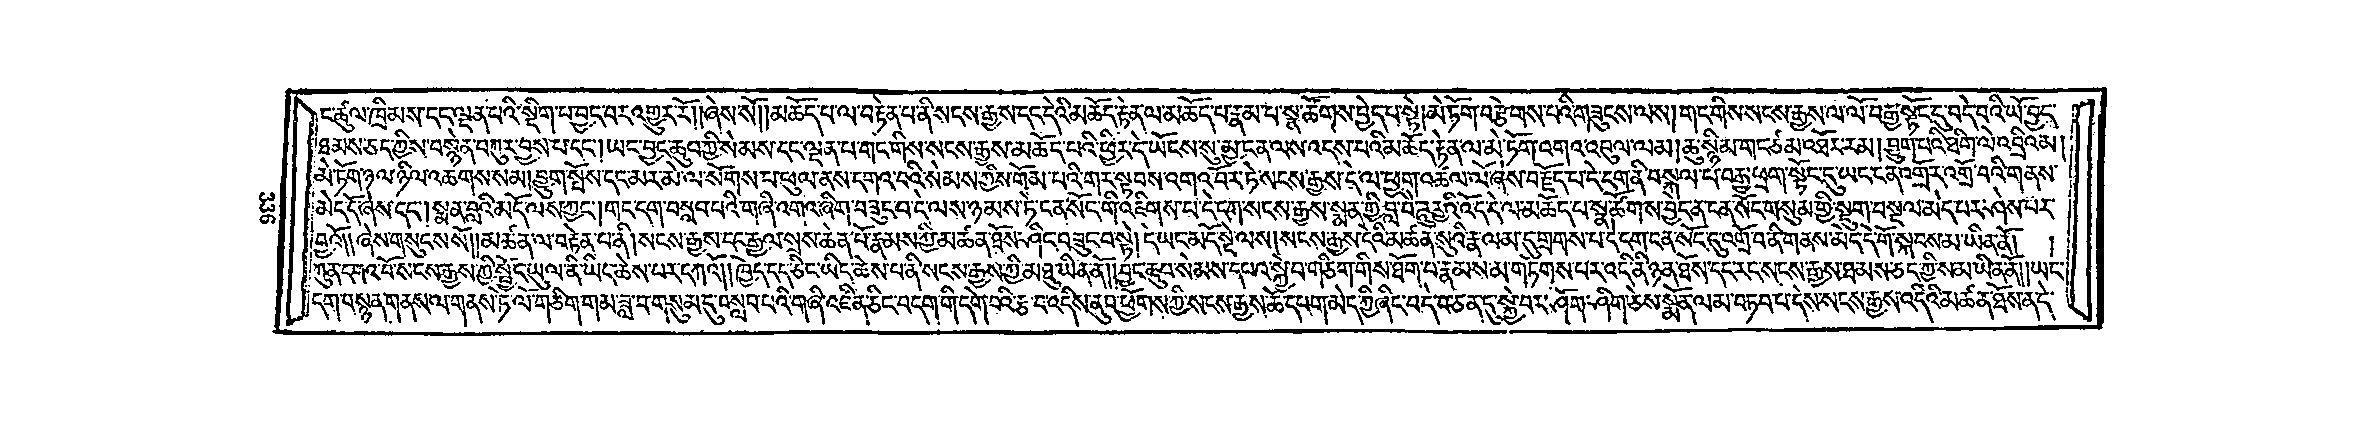ང་ཚུལ་ཁྲིམས་དང་ལྡན་པའི་སྡིག་པ་བྱང་བར་འགྱུར་རོ། །ཞེས་སོ། །མཆོད་པ་ལ་བརྟེན་པ་ནི་སངས་རྒྱས་དང་དེའི་མཆོད་རྟེན་ལ་མཆོད་པ་རྣམ་པ་སྣ་ཚོགས་བྱེད་པ་སྟེ། མེ་ཏོག་བརྩེགས་པའི་གཟུངས་ལས། གང་གིས་སངས་རྒྱས་ལ་ལོ་བརྒྱ་སྟོང་དུ་བདེ་བའི་ཡོ་བྱད་
ཐམས་ཅད་ཀྱིས་བསྙེན་བཀུར་བྱས་པ་དང་། ཡང་བྱང་ཆུབ་ཀྱི་སེམས་དང་ལྡན་པ་གང་གིས་སངས་རྒྱས་མཆོད་པའི་ཕྱིར་དེ་ཡོངས་སུ་མྱ་ངན་ལས་འདས་པའི་མཆོད་རྟེན་ལ་མེ་ཏོག་འགའ་འབུལ་ལམ། ཆུ་སྙིམ་གང་ཙམ་འཐོར་རམ། བྱུག་པའི་ཐིག་ལེ་འབྲིའམ་
མེ་ཏོག་ཉལ་ཉིལ་འཆགས་སམ། བྱུག་སྤོས་དང་མར་མེ་ལ་སོགས་པ་ཕུལ་ནས་དགའ་བའི་སེམས་ཀྱིས་གོམ་པའི་གར་སྟབས་འགའ་བོར་ཏེ་སངས་རྒྱས་དེ་ལ་ཕྱག་འཚལ་ལོ་ཞེས་བརྗོད་པ་དེ་དག་ནི་བསྐལ་པ་བརྒྱ་ཕྲག་སྟོང་དུ་ཡང་ངན་འགྲོར་འགྲོ་བའི་གནས་
མེད་དོ་ཞེས་དང་། སྨན་བླའི་མདོ་ལས་ཀྱང་། གང་དག་བསླབ་པའི་གཞི་འགའ་ཞིག་བཟུང་བ་དེ་ལས་ཉམས་ཏེ་ངན་སོང་གི་འཇིགས་པ་དེ་དག་སངས་རྒྱས་སྨན་གྱི་བླ་བཻཌཱུརྱའི་འོད་དེ་ལ་མཆོད་པ་སྣ་ཚོགས་བྱེད་ན་ངན་སོང་གསུམ་གྱི་སྡུག་བསྔལ་མེད་པར་ཤེས་པར་
བྱའོ། །ཞེས་གསུངས་སོ། །མཚན་ལ་བརྟེན་པ་ནི། སངས་རྒྱས་དང་རྒྱལ་སྲས་ཆེན་པོ་རྣམས་ཀྱི་མཚན་ཐོས་ཤིང་བཟུང་བ་སྟེ། དེ་ཡང་མདོ་སྡེ་ལས། སངས་རྒྱས་དེའི་མཚན་སུའི་རྣ་ལམ་དུ་གྲགས་པ་དེ་དག་ངན་སོང་དུ་འགྲོ་བ་ནི་གནས་མེད་དེ་གོ་སྐབས་མ་ཡིན་ནོ། །
ཀུན་དགའ་བོ་སངས་རྒྱས་ཀྱི་སྤྱོད་ཡུལ་ནི་ཡིད་ཆེས་པར་དཀའོ། །ཁྱེད་དད་ཅིང་ཡིད་ཆེས་པ་ནི་སངས་རྒྱས་ཀྱི་མཐུ་ཡིན་ནོ། །བྱང་ཆུབ་སེམས་དཔའ་སྐྱེ་བ་གཅིག་གིས་ཐོག་པ་རྣམས་མ་གཏོགས་པར་འདི་ནི་ཉན་ཐོས་དང་རང་སངས་རྒྱས་ཐམས་ཅད་ཀྱི་སམ་ཡིན་ནོ། །ཡང་
དག་བསྙན་གནས་ལ་གནས་ཏེ་ལོ་གཅིག་གམ་ཟླ་བ་གསུམ་དུ་བསླབ་པའི་གཞི་འཛིན་ཅིང་བདག་གི་དགེ་བའི་རྩ་བ་འདིས་ནུབ་ཕྱོགས་ཀྱི་སངས་རྒྱས་ཚེ་དཔག་མེད་ཀྱི་ཞིང་བདེ་བ་ཅན་དུ་སྐྱེ་བར་ཤོག་ཤིག་ཅེས་སྨོན་ལམ་བཏབ་པ་དེས་སངས་རྒྱས་འདིའི་མཚན་ཐོས་ན་དེ་